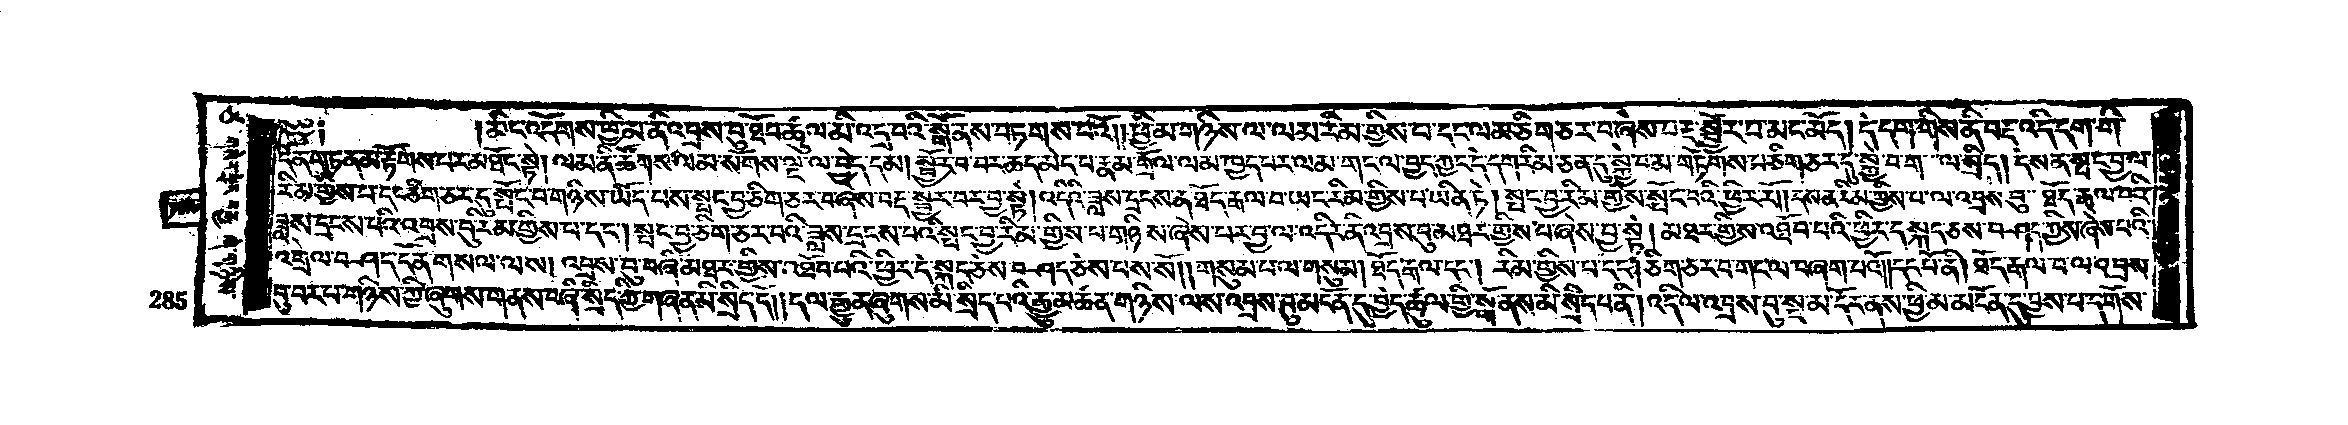༄༅། །མིང་འདོགས་ཕྱི་མ་ནི་འབྲས་བུ་ཐོབ་ཚུལ་མི་འདྲ་བའི་སྒོ་ནས་བཏགས་པའོ། །ཕྱི་མ་གཉིས་ལ་ལམ་རིམ་གྱིས་པ་དང་ལམ་ཅིག་ཅར་བ་ཞེས་བརྡ་སྦྱོར་བ་མང་མོད། དེ་དག་གིས་ནི་བརྡ་འདི་དག་གི་
དོན་གཏན་མ་རྟོགས་པར་མཐོང་སྟེ། ལམ་ནི་ཚོགས་ལམ་སོགས་ལྔ་ལ་བྱེད་དམ། སྦྱོར་བ་བར་ཆད་མེད་པ་རྣམ་གྲོལ་ལམ་ཁྱད་པར་ལམ་གང་ལ་བྱད་ཀྱང་དེ་དག་རིམ་ཅན་དུ་སྐྱེ་བ་མ་གཏོགས་པ་ཅིག་ཅར་དུ་སྐྱེ་བ་ག་ལ་སྲིད། དེས་ན་སྤང་བྱ་ལ་
རིམ་གྱིས་པ་དང་ཅིག་ཅར་དུ་སྤོང་བ་གཉིས་ཡོད་པས་སྤང་བྱ་ཅིག་ཅར་བ་ཞེས་བརྡ་སྦྱར་བར་བྱ་སྟེ། འདིའི་ཟླས་དྲངས་ན་ཐོད་རྒལ་བ་ཡང་རིམ་གྱིས་པ་ཡིན་ཏེ། སྤང་བྱ་རིམ་གྱིས་སྤོང་བའི་ཕྱིར་རོ། །དེས་ན་རིམ་གྱིས་པ་ལ་འབྲས་བུ་ཐོད་རྒལ་བའི་
ཟླས་དྲངས་པའི་འབྲས་བུ་རིམ་གྱིས་པ་དང་། སྤང་བྱ་ཅིག་ཅར་བའི་ཟླས་དྲངས་པའི་སྤང་བྱ་རིམ་གྱིས་པ་གཉིས་ཞེས་པར་བྱ་ལ་འདིར་ནི་འབྲས་བུ་མཐར་གྱིས་པ་ཞེས་བྱ་སྟེ། མཐར་གྱིས་འཐོབ་པའི་ཕྱིར་དེ་སྐད་ཅས་བཤད་ཀྱིས་ཞེས་པའི་
འགྲེལ་བཤད་དོན་གསལ་ལས། འབྲས་བུ་བཞི་མཐར་གྱིས་འཐོབ་པའི་ཕྱིར་དེ་སྐད་ཅེས་བཤད་ཅེས་པས་སོ། །གསུམ་པ་ལ་གསུམ། ཐོད་རྒལ་དང་། རིམ་གྱིས་པ་དང་། ཅིག་ཅར་བ་གང་ལ་བཞག་པའོ། །དང་པོ་ནི། ཐོད་རྒལ་བ་ལ་འབྲས་
བུ་བར་པ་གཉིས་ཀྱི་ཞུགས་གནས་བཞི་སྲིད་ཀྱི་གཞན་མི་སྲིད་དོ། །དེ་ལ་རྒྱུན་ཞུགས་མི་སྲིད་པའི་རྒྱུ་མཚན་གཉིས་ལས་འབྲས་བུ་མངོན་དུ་བྱེད་ཚུལ་གྱི་སྒོ་ནས་མི་སྲིད་པ་ནི། འདི་ལ་འབྲས་བུ་སྔ་མ་དོར་ནས་ཕྱི་མ་མངོན་དུ་བྱས་པ་དགོས་